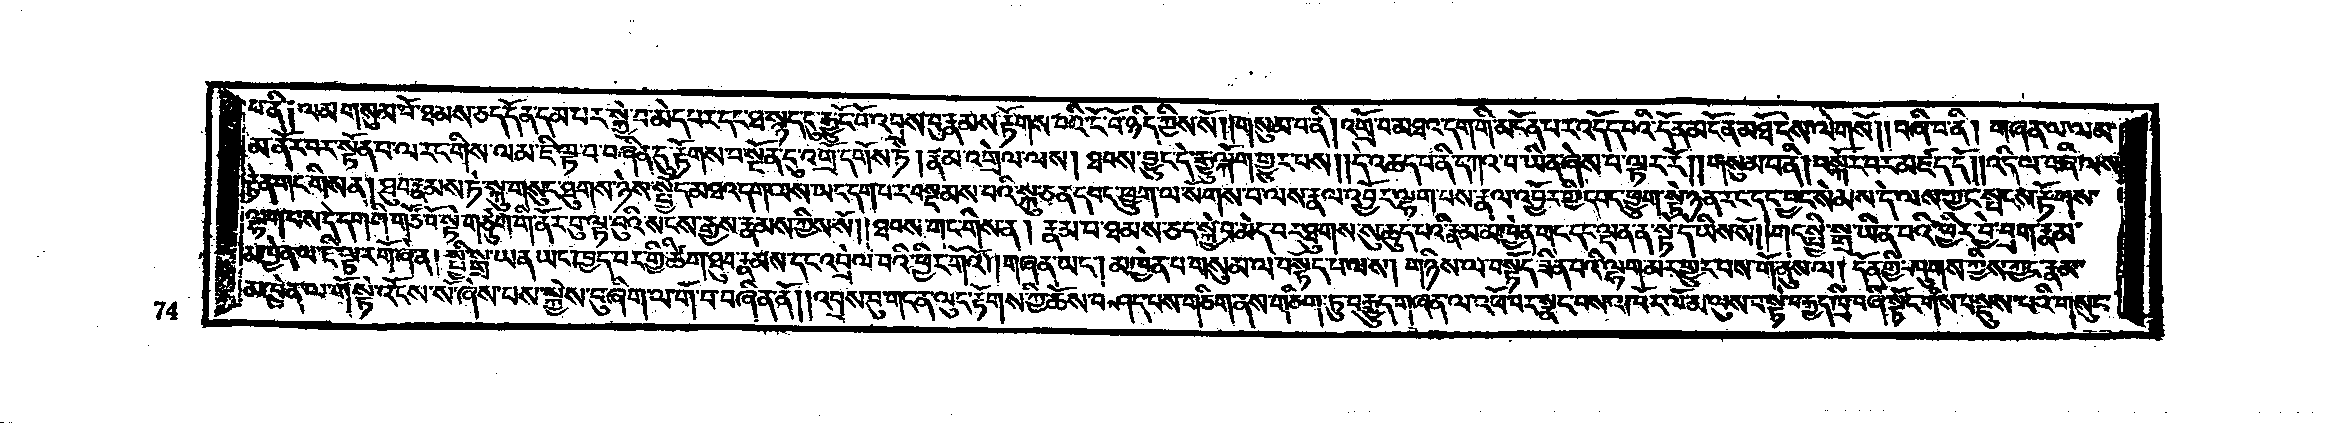བ་ནི། ལམ་གསུམ་པོ་ཐམས་ཅད་དོན་དམ་པར་སྐྱེ་བ་མེད་པར་དང་ཐ་སྙད་དུ་རྒྱུ་ངོ་བོ་འབྲས་བུ་རྣམས་རྟོགས་པའི་ངོ་བོ་ཉིད་ཀྱིས་སོ། །གསུམ་པ་ནི། འགྲོ་བ་མཐའ་དག་གི་མངོན་པར་འདོད་པའི་དོན་མངོན་མཐོ་ངེས་ལེགས་སོ། །བཞི་པ་ནི། གཞན་ལ་ལམ་
མ་ནོར་བར་སྟོན་པ་ལ་རང་གིས་ལམ་ཇི་ལྟ་བ་བཞིན་དུ་རྟོགས་པ་སྔོན་དུ་འགྲོ་དགོས་ཏེ། རྣམ་འགྲེལ་ལས། ཐབས་བྱུང་དེ་རྒྱུ་ལྐོག་གྱུར་པས། །དེ་འཆད་པ་ནི་དཀའ་བ་ཡིན་ཞེས་པ་ལྟར་རོ། །གསུམ་པ་ནི། བསྐོར་བར་མཛད་དོ། །འདི་ལ་བཞི་ལས་
རྟེན་གང་གིས་ན། ཐུབ་རྣམས་ཏེ་སྐུ་གསུང་ཐུགས་ཉེས་སྤྱོད་མཐའ་དག་ལས་ཡང་དག་པར་བསྡམས་པའི་སྐུ་ཅན་དབང་ཕྱུག་ལ་སོགས་པ་ལས་རྣལ་འབྱོར་ལྷག་པས་རྣལ་འབྱོར་གྱི་དབང་ཕྱུག་སྟེ་ཉན་རང་དང་བྱང་སེམས་དེ་ལས་ཀྱང་སྤངས་རྟོགས་
ལྷག་པས་དེ་དག་གི་གཙོ་བོ་སྟེ་གཙུག་གི་ནོར་བུ་ལྟ་བུའི་སངས་རྒྱས་རྣམས་ཀྱིས་སོ། །ཐབས་གང་གིས་ན། རྣམ་པ་ཐམས་ཅད་སྐྱེ་བ་མེད་པར་ཐུགས་སུ་ཆུད་པའི་རྣམ་མཁྱེན་གང་དང་ལྡན་ན་སྟེ་དེ་ཡིས་སོ། །གང་སྤྱི་སྒྲ་ཡིན་པའི་ཕྱིར་བྱེ་བྲག་རྣམ་
མཁྱེན་ལ་ཇི་ལྟར་གོ་ཞེ་ན། སྤྱི་སྒྲ་ཡིན་ཡང་ཁྱད་པར་གྱི་ཚིག་ཐུབ་རྣམས་དང་འབྲེལ་བའི་ཕྱིར་གོའོ། །གཞན་ཡང་། མཁྱེན་པ་གསུམ་ལ་བསྟོད་པ་ལས། གཉིས་ལ་བསྟོད་ཟིན་པའི་ལྷག་མར་གྱུར་པས་གོ་ནུས་ལ། དོན་གྱི་ཤུགས་ཀྱིས་ཀྱང་རྣམ་
མཁྱེན་ལ་གོ་སྟེ་འོངས་སོ་ཞེས་པས་སྐྱེས་བུ་ཞིག་ལ་གོ་བ་བཞིན་ནོ། །འབྲས་བུ་གང་ན་ལུང་རྟོགས་ཀྱི་ཆོས་བཤད་པས་གཅིག་ནས་གཅིག་ཏུ་བརྒྱུད་གཞན་ལ་འཕོ་བར་སྣང་བས་འཁོར་ལོ་མ་ལུས་པ་སྟེ་བརྒྱད་ཁྲི་བཞི་སྟོང་གིས་བསྡུས་པའི་གསུང་